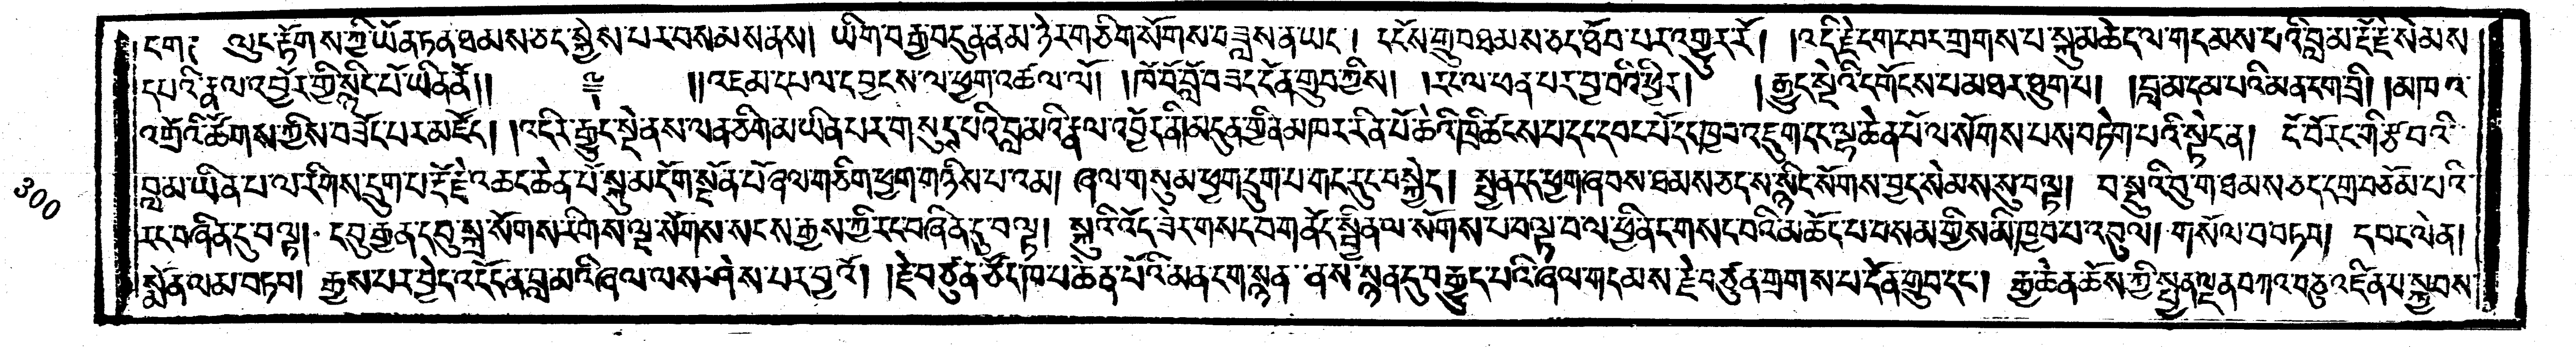དག༑ ལུང་རྟོགས་ཀྱི་ཡོན་ཏན་ཐམས་ཅད་སྐྱེས་པར་བསམས་ནས། ཡིག་བརྒྱ་བདུན་ནམ་ཉེར་གཅིག་སོགས་བཟླས་ན་ཡང་། དངོས་གྲུབ་ཐམས་ཅད་ཐོབ་པར་འགྱུར་རོ། །འདི་རྗེ་ངག་དབང་གྲགས་པ་སྐུ་མཆེད་ལ་གདམས་པའི་བླ་མ་རྡོ་རྗེ་སེམས་
དཔའི་རྣལ་འབྱོར་གྱི་སྙིང་པོ་ཡིན་ནོ།། ༈ །།འཇམ་དཔལ་དབྱངས་ལ་ཕྱག་འཚལ་ལོ། །ཁོ་བོ་བློ་བཟང་དོན་གྲུབ་ཀྱིས། །རང་ལ་ཕན་པར་བྱ་བའི་ཕྱིར། །རྒྱུད་སྡེའི་དགོངས་པ་མཐར་ཐུག་པ། །བླ་མ་དམ་པའི་མན་ངག་བྲི། །མཁའ་
འགྲོའི་ཚོགས་ཀྱིས་བཟོད་པར་མཛོད། །འདིར་རྒྱུད་སྡེ་ནས་ལན་ཅིག་མ་ཡིན་པར་གསུངས་པའི་བླ་མའི་རྣལ་འབྱོར་ནི། མདུན་གྱི་ན་མཁར་རིན་པོ་ཆེའི་ཁྲི་ཚངས་པ་དང་དབང་པོ་དང་ཁྱབ་འཇུག་དང་ལྷ་ཆེན་པོ་ལ་སོགས་པས་བཏེག་པའི་སྟེང་ན། ངོ་བོ་རང་གི་རྩ་བའི་
བླ་མ་ཡིན་པ་ལ་རིགས་དྲུག་པ་རྡོ་རྗེ་འཆང་ཆེན་པོ་སྐུ་མདོག་སྔོན་པོ་ཞལ་གཅིག་ཕྱག་གཉིས་པ་འམ། ཞལ་གསུམ་ཕྱག་དྲུག་པ་གང་རུང་བསྐྱེད། སྤྱན་དང་ཕྱག་ཞབས་ཐམས་ཅད་ས་སྙིང་སོགས་བྱང་སེམས་སུ་བལྟ། བ་སྡུའི་བུ་ག་ཐམས་ཅད་དགྲ་བཅོམ་པའི་
རང་བཞིན་དུ་བལྟ། དབུ་རྒྱན་དབུ་སྐྲ་སོགས་རིགས་ལྔ་སོགས་སངས་རྒྱས་ཀྱི་རང་བཞིན་དུ་བལྟ། སྐུའི་འོད་ཟེར་གསང་བ་གནོད་སྦྱིན་ལ་སོགས་པ་བལྟ་བ་ལ་ཕྱི་ནང་གསང་བའི་མཆོད་པ་བསམ་གྱིས་མི་ཁྱབ་པ་འབུལ། གསོལ་བ་བཏབ། དབང་ལེན།
སྨོན་ལམ་བཏབ། རྒྱས་པར་བྱེད་འདོད་ན་བླ་མའི་ཞལ་ལས་ཤེས་པར་བྱའོ། །རྗེ་བཙུན་ཙོང་ཁ་པ་ཆེན་པོའི་མན་ངག་སྙན་ནས་སྙན་དུ་བརྒྱུད་པའི་ཞལ་གདམས་རྗེ་བཙུན་གྲགས་པ་དོན་གྲུབ་དང་། རྒྱ་ཆེན་ཆོས་ཀྱི་སྤྱན་ལྡན་བཀའ་བཅུ་འཛིན་པ་སྐྱབས་